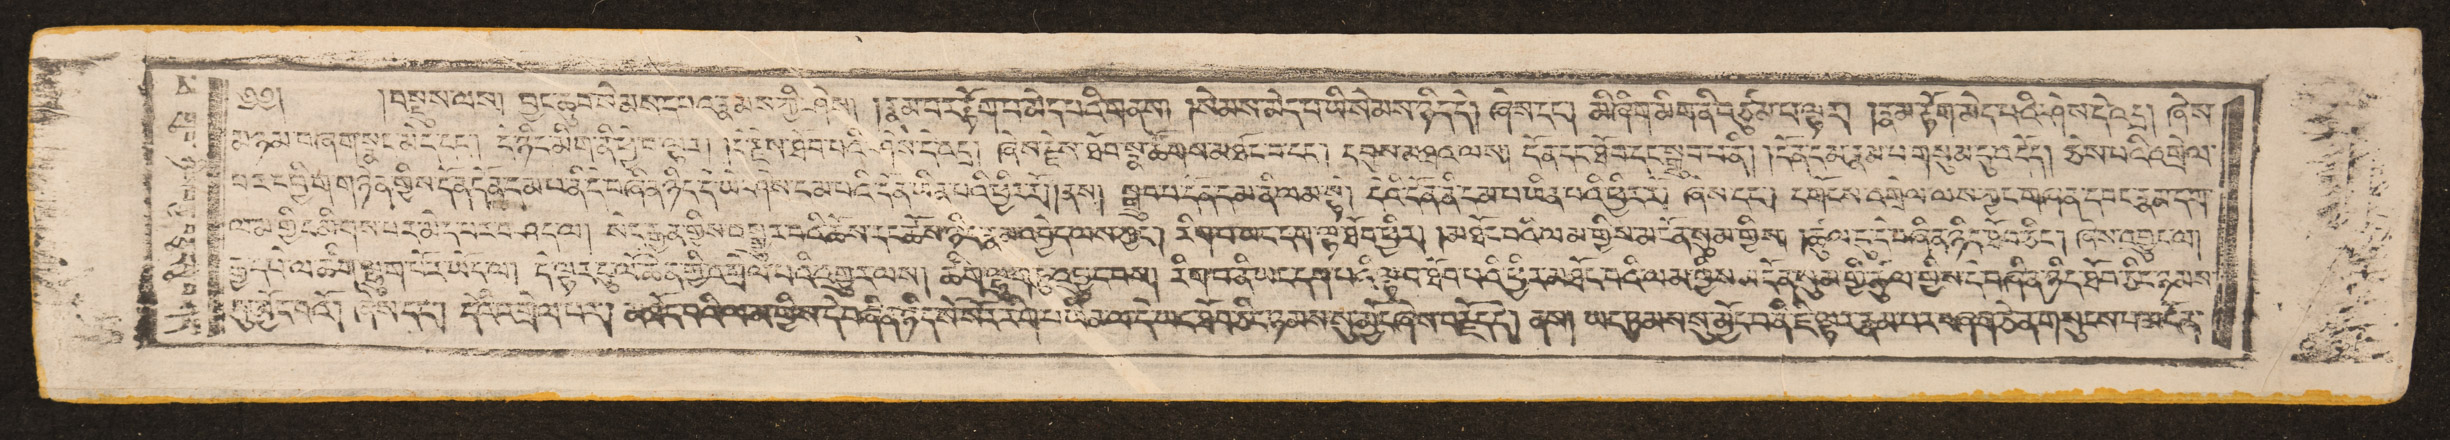༄༅། །བསྡུས་ལས། བྱང་ཆུབ་སེམས་དཔའ་རྣམས་ཀྱི་ཤེས། །རྣམ་པར་རྟོག་པ་མེད་པའི་གནས། །སེམས་མེད་པ་ཡི་སེམས་ཉིད་དེ། ཞེས་དང་། མི་ཞིག་མིག་ནི་བཙུམ་པ་ལྟར། །རྣམ་རྟོག་མེད་པའི་ཤེས་དེ་འདྲ། ཞེས་
མཉམ་བཞག་སྣང་མེད་དང་། དེ་ཉིད་མིག་ནི་ཕྱེ་བ་ལྟར། །དེ་རྗེས་ཐོབ་པའི་ཤེས་དེ་འདྲ། ཞེས་རྗེས་ཐོབ་སྣ་ཚོགས་མཐོང་བ་དང་། དབུས་མཐའ་ལས། དོན་དང་ཐོབ་དང་སྒྲུབ་པ་ནི། །དོན་དམ་རྣམ་པ་གསུམ་དུ་འདོད། ཅེས་པའི་འགྲེལ་
བར་དབྱིག་གཉེན་གྱིས་དོན་དོན་དམ་པ་ནི་དེ་བཞིན་ཉིད་དེ་ཡེ་ཤེས་དམ་པའི་དོན་ཡིན་པའི་ཕྱིར་རོ། །ནས། སྒྲུབ་པ་དོན་དམ་ནི་ལམ་སྟེ། དེའི་དོན་ནི་དམ་པ་ཡིན་པའི་ཕྱིར་རོ། ཞེས་དང་། དགོངས་འགྲེལ་ལས་ཀྱང་གཞན་དབང་རྣམ་དག་
ལམ་གྱི་དམིགས་པར་མེད་པར་བཤད་ལ། སེང་རྒྱན་གྱིས་བསྒྱུར་བའི་ཆོས་དང་ཆོས་ཉིད་རྣམ་འབྱེད་ལས་ཀྱང་། རིག་པ་ཡང་དག་ལྟ་ཐོབ་ཕྱིར། །མཐོང་བའི་ལམ་གྱིས་མངོན་སུམ་གྱིས། །ཚུལ་དུ་དེ་བཞིན་ཉིད་ཐོབ་ཅིང་། ཞེས་འབྱུང་ལ།
རྒྱ་དཔེ་ལ་ཚིག་ལྷུག་པོར་ཡོད་ལ། དེ་ལྟར་དུ་ལོ་ཆེན་གྱི་འགྲེལ་པའི་འགྱུར་ལས། ཚིག་ལྷུག་ཏུ་འབྱུང་བས། རིག་པ་ནི་ཡང་དག་པའི་ལྟ་བ་ཐོབ་པའི་ཕྱིར་མཐོང་བའི་ལམ་གྱིས་མངོན་སུམ་གྱི་ཚུལ་གྱིས་དེ་བཞིན་ཉིད་ཐོབ་ཅིང་ཉམས་
སུ་མྱོང་བའོ། ཞེས་དང་། དེའི་འགྲེལ་བར། མཐོང་བའི་ལམ་གྱིས་དེ་བཞིན་ཉིད་སོ་སོར་རིག་པ་ཡིན་ལ་དེ་ཡང་ཐོབ་ཅིང་ཉམས་སུ་མྱོང་ཞེས་བརྗོད་དེ། ནས། ཡང་ཉམས་སུ་མྱོང་བ་ནི་ཇི་ལྟར་རྣམ་པར་བཞག་ཅེ་ན་གསུངས་པ་མངོན་